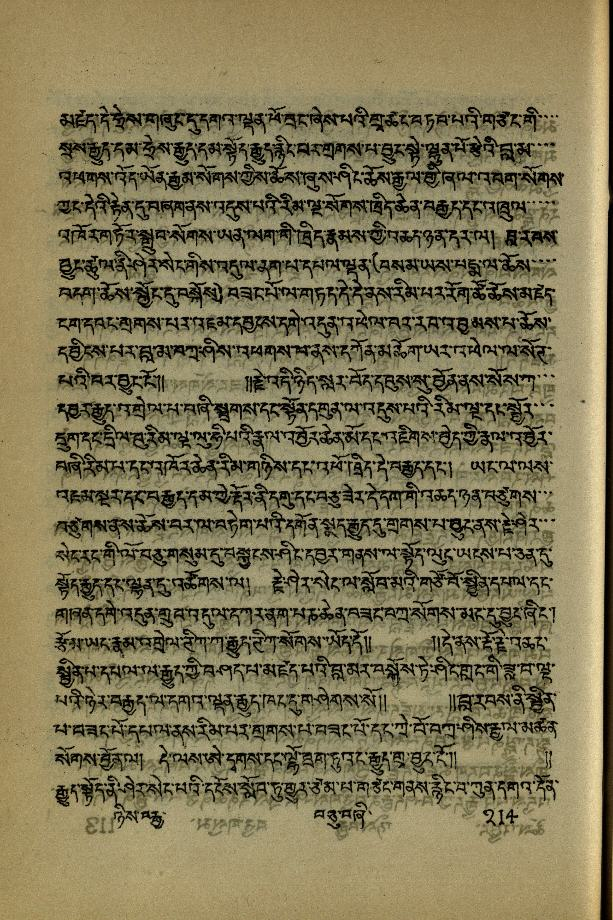མཛད་དེ་ཧྲེས་གཞུང་དུ་དགའ་ལྡན་ཕོ་བྲང་ཞེས་པའི་གྲྭ་ཚང་བཏབ་པའི་གཙང་གི་
སྲས་རྒྱུད་དམ་ཧྲེས་རྒྱུད་དམ་སྟོད་རྒྱུད་རྙིང་བར་གྲགས་པ་བྱུང་སྟེ་ལྷུན་པོ་རྩེའི་བླ་མ་
འཕགས་འོད་ཡོན་རྒྱམ་སོགས་ཀྱིས་ཆོས་ཞུས་ཤིང་ཆོས་རྒྱལ་གྱི་ཞལ་འབབ་སོགས་
ཀྱང་དེའི་རྟེན་དུ་བཞག་ནས་འདུས་པའི་རིམ་ལྔ་སོགས་ཁྲིད་ཆེན་བརྒྱད་དང་འཁྲུལ་
འཁོར་གཏོར་སྒྲུབ་སོགས་ཡན་ལག་གི་ཁྲིད་རྣམས་ཀྱི་འཆད་ཉན་དར་ལ། བླ་རབས་
བྱུང་ཚུལ་ནི་ཤེར་སེང་གིས་འདུལ་ནག་པ་དཔལ་ལྡན་བསམ་ཡས་པདམ་ལ་ཆོས་
བདག་ཆོས་སྐྱོང་དུ་བསྐོས་བཟང་པོ་ལ་གཏད་དེ་དེ་ནས་རིམ་པར་རོག་ཚོ་ཆོས་མཛད་
ངག་དབང་གྲགས་པར་འཇམ་དབྱངས་དགེ་འདུན་འཕེལ་བར་རབ་འབྱམས་པ་ཆོས་
དབྱིངས་པར་བླ་མ་བཀྲ་ཤིས་འཕགས་པ་ནས་དཀོན་མཆོག་ཡར་འཕེལ་ལ་སོཊ་
པའི་བར་བྱུང་ངོ།། །།རྗེ་འདི་ཉིད་སླར་བོད་དབུས་སུ་བྱོན་ནས་སོས་ཀ་
དབྱར་རྒྱུད་འགྲེལ་པ་བཞི་སྦྲགས་དང་སྟོན་དགུན་ལ་འདུས་པའི་རིམ་ལྔ་དང་སྦྱོར་
དྲུག་དང་དྲིལ་བུ་རིམ་ལྔ་ལུ་ཧི་པའི་རྣལ་འབྱོར་ཆེན་མོ་དང་འཇིགས་བྱེད་ཀྱི་རྣལ་འབྱོར་
བཞི་རིམ་པ་དང་འཁོར་ཆེན་རིམ་གཉིས་དང་འཕོ་ཁྲིད་དེ་བརྒྱད་དང་། ཡང་ལ་ལས་
འཇམ་སྔར་དང་བརྒྱད་དམ་ཀྱེ་རྡོར་ནི་དགུ་དང་བཅུ་ཟེར་དེ་དག་གི་འཆད་ཉན་བཙུགས་
བཙུགས་ནས་ཆོས་བར་ལ་བཏེག་པའི་དགོན་སྨད་རྒྱུད་དུ་གྲགས་པ་བྱུང་ནས་རྗེ་ཤེར་
སེང་རང་གི་ལོ་བཅུ་གསུམ་དུ་བསྐྱངས་ཤིང་དབྱར་གནས་ལ་སྟོད་ལུང་ཡངས་པ་ཅན་དུ་
སྟོད་རྒྱུད་དང་ལྷན་དུ་འཚོགས་ལ། རྗེ་ཤེར་སེང་ལ་སློབ་མའི་གཙོ་བོ་སྦྱིན་དཔལ་དང་
གཞན་དགེ་འདུན་གྲུབ་འདུལ་དཀར་ནག་པཎ་ཆེན་བཟང་བཀྲ་སོགས་མང་དུ་བྱུང་ཞིང་།
རྩོམ་ཡང་རྣམ་འགྲེལ་ཊིཀ་ཀ་རྒྱུད་ཊིཀ་སོགས་ཡོད་དོ།། །།དེ་ནས་རྡོ་རྗེ་འཆང་
སྦྱིན་པ་དཔལ་ལ་རྒྱུད་ཀྱི་བཤད་པ་མཛད་པའི་བླ་མར་བསྐོས་ཏེ་ཤིང་གླང་གི་ཟླ་བ་ལྔ་
པའི་ཉེར་བརྒྱད་ལ་དགའ་ལྡན་རྒྱུད་ཁང་དུ་གཤེགས་སོ།། །།བླ་རབས་ནི་སྦྱིན་
པ་བཟང་པོ་དཔལ་ནས་རིམ་པར་གྲགས་པ་བཟང་པོ་དང་ཀྲེ་བོ་བཀྲ་ཤིས་རྒྱལ་མཚན་
སོགས་བྱོན་ལ། དེ་ལས་ཨེ་དྭགས་དང་ལྷོ་བྲག་ཏུའང་རྒྱུད་གྲྭ་བྱུང་ངོ།། །།
རྒྱུད་སྟོད་ནི་ཤེར་སེང་པའི་དངོས་སློབ་ཏུ་གྱུར་ཙམ་པ་གཙང་གནས་རྙིང་བ་ཀུན་དགའ་དོན་